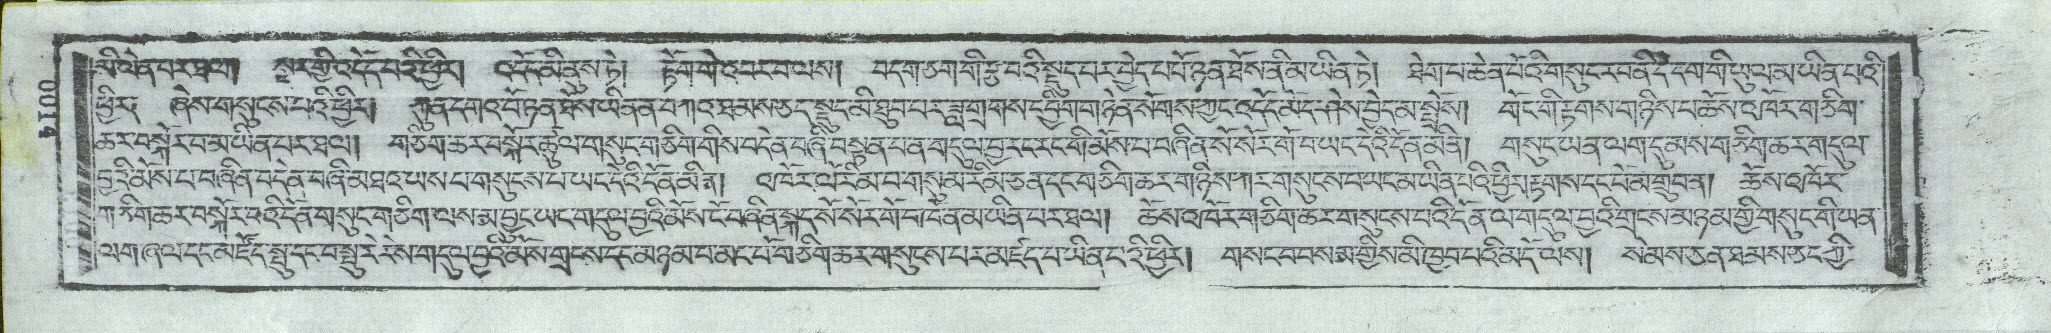མི་ལེན་པར་ཐལ། སྔར་གྱི་འདོད་པའི་ཕྱིར། འདོད་མི་ནུས་ཏེ། རྟོག་གེ་འབར་བ་ལས། བདག་ཅག་གི་རྩ་བའི་སྡུད་པར་བྱེད་པ་པོ་ཉན་ཐོས་ནི་མ་ཡིན་ཏེ། ཐེག་པ་ཆེན་པོའི་གསུང་རབ་ནི་དེ་དག་གི་ཡུལ་མ་ཡིན་པའི་
ཕྱིར༑ ཞེས་གསུངས་པའི་ཕྱིར། ཀུན་དགའ་བོ་ཉན་ཐོས་ཡིན་ན་བཀའ་ཐམས་ཅད་སྡུད་མི་ཐུབ་པར་ཟླ་གྲགས་དབྱིག་གཉེན་སོགས་ཀྱང་འདོད་མོད་ཤེས་བྱེད་མ་སྤྲོས། གོང་གི་རྟགས་གཉིས་པ་ཆོས་འཁོར་གཅིག་
ཆར་བསྐོར་བ་མ་ཡིན་པར་ཐལ། གཅིག་ཆར་བསྐོར་ཚུལ་གསུང་གཅིག་གིས་བདེན་བཞི་བསྟན་པ་ན་གདུལ་བྱ་རང་རང་གི་མོས་པ་བཞིན་སོ་སོར་གོ་བ་ཡང་དེའི་དོན་མིན། གསུང་ཡན་ལག་དུ་མས་གཅིག་ཆར་གདུལ་
བྱའི་མོས་པ་བཞིན་བདེན་བཞི་མཐའ་ཡས་པ་གསུངས་པ་ཡང་དེའི་དོན་མིན། འཁོར་ལོ་རིམ་པ་གསུམ་རིམ་ཅན་དང་གཅིག་ཆར་གཉིས་ཀར་གསུངས་པ་ཡང་མ་ཡིན་པའི་ཕྱིར། རྟགས་དང་པོ་མ་གྲུབ་ན། ཆོས་འཁོར་
གཅིག་ཆར་བསྐོར་བའི་དོན་གསུང་གཅིག་ལས་མ་བྱུང་ཡང་གདུལ་བྱའི་མོས་ངོ་བཞིན་སྐད་སོ་སོར་གོ་བ་ཁོ་ན་མ་ཡིན་པར་ཐལ། ཆོས་འཁོར་གཅིག་ཆར་གསུངས་པའི་དོན་ལ་གདུལ་བྱའི་གྲངས་མཉམ་གྱི་གསུང་གི་ཡན་
ལག་ཞལ་དང་མཛོད་སྤུ་དང་བ་སྤུ་རེ་རེས་གདུལ་བྱའི་མོས་གྲངས་དང་མཉམ་པ་མང་པོ་གཅིག་ཆར་གསུངས་པར་མཛད་པ་ཡིན་པའི་ཕྱིར། གསང་བ་བསམ་གྱིས་མི་ཁྱབ་པའི་མདོ་ལས། སེམས་ཅན་ཐམས་ཅད་ཀྱི་